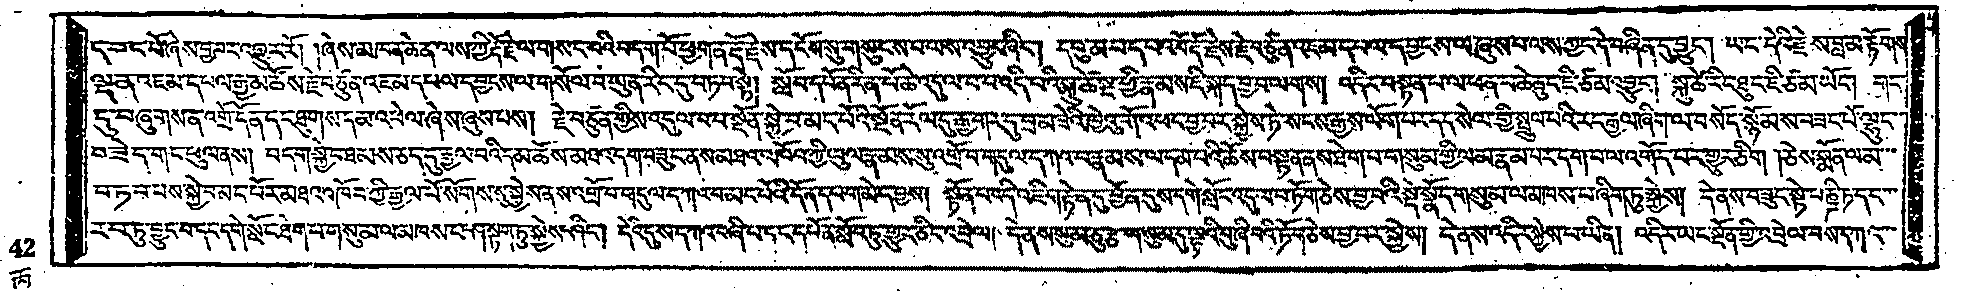དབང་པོ་ཞེས་བྱ་བར་འགྱུར་རོ། །ཞེས་མཁན་ཆེན་ལས་ཀྱི་རྡོ་རྗེ་ལ་གསང་བའི་བདག་པོ་ཕྱག་ན་རྡོ་རྗེས་དངོས་སུ་གསུངས་པ་ལས་འབྱུང་ཞིང་། དབུ་མ་པ་དཔའ་བོ་རྡོ་རྗེས་རྗེ་བཙུན་འཇམ་དཔལ་དབྱངས་ལ་ཞུས་པ་ལས་ཀྱང་དེ་བཞིན་དུ་བྱུང་། ཡང་དེའི་རྗེས་བླ་མ་རྟོགས་
ལྡན་འཇམ་དཔལ་རྒྱ་མཚོས་རྗེ་བཙུན་འཇམ་དཔལ་དབྱངས་ལ་གསོལ་བ་ཡུན་རིང་དུ་བཏབ་སྟེ། སློབ་དཔོན་རིན་པོ་ཆེ་འདུལ་བ་པ་འདི་པའི་སྐུ་ཚེ་སྔ་ཕྱི་རྣམས་ཇི་སྐད་བྱ་བ་ལགས། འདིར་བསྟན་པ་ལ་ཕན་པ་ཆེ་ཆུང་ཇི་ཙམ་འབྱུང་། སྐུ་ཚེ་རིང་ཐུང་ཇི་ཙམ་ཡོང་། གང་
དུ་བཞུགས་ན་འགྲོ་དོན་དང་ཐུགས་དམ་འཕེལ་ཞེས་ཞུས་པས། རྗེ་བཙུན་གྱིས་འདུལ་བ་པ་སྔོན་སྐྱེ་བ་མང་པོའི་སྔོན་རོལ་དུ་རྒྱ་གར་དུ་བྲམ་ཟེའི་ཁྱེའུ་གོ་འཕང་བྱ་བར་སྐྱེས་ཏེ་སངས་རྒྱས་ལོག་པར་དད་སེལ་གྱི་སྤྲུལ་པའི་རང་རྒྱལ་ཞིག་ལ་བསོད་སྙོམས་བཟང་པོ་ལྷུང་
བཟེད་གང་ཕུལ་ནས། བདག་སྐྱེ་བ་ཐམས་ཅད་དུ་རྒྱལ་བའི་དམ་ཆོས་མཐའ་དག་བཟུང་ནས་མཐའ་འཁོབ་ཀྱི་ཡུལ་རྣམས་སུ་འགྲོ་བ་གདུལ་དཀའ་བ་རྣམས་ལ་དམ་པའི་ཆོས་བསྟན་ནས་ཐེག་པ་གསུམ་གྱི་ལམ་རྣམ་པར་དག་པ་ལ་འགོད་པར་གྱུར་ཅིག །ཅེས་སྨོན་ལམ་
བཏབ་པས་སྐྱེ་བ་མང་པོར་མཐའ་འཁོབ་ཀྱི་རྒྱལ་པོ་སོགས་སུ་སྐྱེས་ནས་འགྲོ་བ་གདུལ་དཀའ་བ་མང་པོའི་དོན་དཔག་མེད་བྱས། སྟོན་པ་འདི་འཇིག་རྟེན་དུ་བྱོན་དུས་དགེ་སློང་འདུལ་བ་ཏོག་ཅེས་བྱ་བའི་སྡེ་སྣོད་གསུམ་ལ་མཁས་པ་ཞིག་ཏུ་སྐྱེས། དེ་ནས་བཟུང་སྟེ་པཎྜི་ཏ་དང་
རབ་ཏུ་བྱུང་བ་དང་དགེ་སློང་ཐེག་པ་གསུམ་ལ་མཁས་པ་ཤ་སྟག་ཏུ་སྐྱེས་ཤིང་། དེའི་དུས་དཀའ་བཞི་པ་དང་དཔོན་སློབ་ཏུ་གྱུར་ཅིང་འབྲེལ། དེ་ནས་སུམ་ཅུ་རྩ་གསུམ་དུ་ལྟའི་བུ་ཞི་བའི་ཏོག་ཅེས་བྱ་བར་སྐྱེས། དེ་ནས་འདིར་སྐྱེས་པ་ཡིན། འདིར་ཡང་སྔོན་གྱི་འབྲེལ་བས་དཀའ་